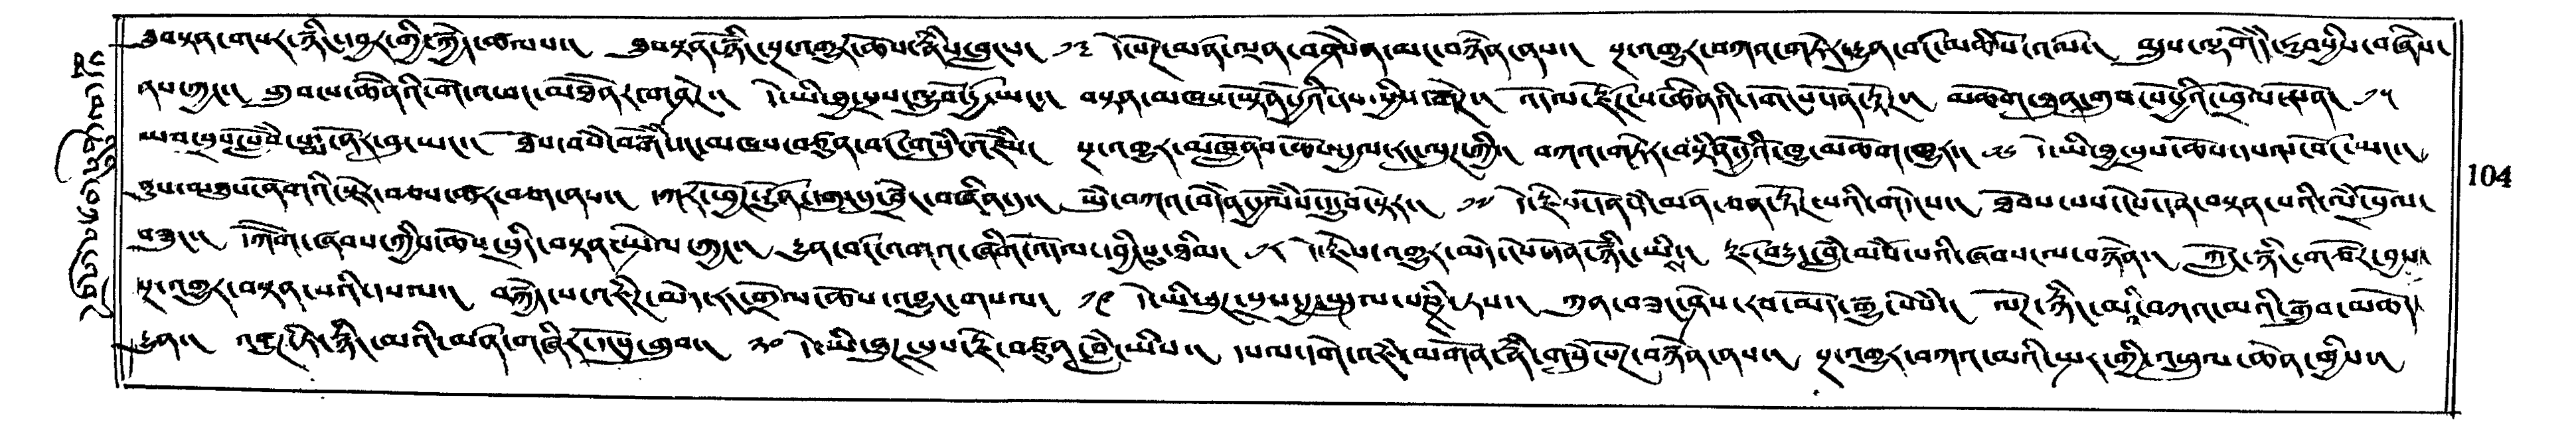།ཐུབ་བསྟན་གསར་རྙིང་དབྱར་གྱི་སྐྱེད་ཚལ་ལས། །ཐུབ་བསྟན་སྙིང་པོ་སྔ་འགྱུར་ཆོས་རྣམས་བླངས། ། ༡༣༽ དེ་སོགས་མཚན་ལྡན་བཤེས་གཉེན་མང་བསྙེན་ནས། །སྔ་འགྱུར་བཀའ་གཏེར་རྒྱུན་བཟང་མཆིས་སོ་འཚལ། །མ་ལུས་ལྷག་མེད་ཧུབ་ཀྱིས་བཞེས་
ནས་ཀྱང་། །གྲུབ་པ་ཆེན་པོའི་གོ་འཕང་མཐོན་པོར་གཤེགས། །དེ་ཡི་ཐུགས་སྲས་ལྷུན་གྲུབ་རྒྱ་མཚོ་ཡང་། །བརྟན་མཁས་ཡོན་ཏན་རྒྱ་མཚོའི་དཔལ་གྱིས་སྒེགས། །འོད་གསལ་རྫོགས་པ་ཆེན་པོའི་དགོངས་དོན་རྟོགས། །མཆོག་ཐུན་གྲུབ་པ་རྒྱ་མཚོའི་ཕ་རོལ་སོན། ། ༡༥༽ 
ཡབ་སྲས་སློབ་མ་པདྨ་ནོར་བུ་ཡང་། །ཐོས་བསམ་བསྒོམ་དང་མཁས་བཙུན་བཟང་གསུམ་འཛོམས། །སྔ་འགྱུར་མཁན་སློབ་ཆོས་རྒྱལ་རིང་ལུགས་ཀྱི། །བཀའ་གཏེར་བསྟན་འཛིན་རྒྱ་མཚོའི་ཁྱུ་མཆོག་གྱུར། །༡༦༽ དེ་ཡི་ཐུགས་སྲས་ཆོས་དཔལ་བཟང་པོ་ཡང་། །
ནུས་མཐུས་ནག་པོའི་སྡེར་བཅས་ཚར་བཅད་ནས། །དཀར་ཕྱོགས་རྒྱལ་མཚན་དགུང་དུ་སྦྲེང་བཞིན་དུ། །ཡུམ་ཀ་བདེ་ཆེན་རྒྱལ་མོས་དངོས་གྲུབ་སྟེར། ། ༡༧༽ དེ་རྗེས་དོན་དམ་མཚན་སྒྲེན་རྟོགས་པའི་གདེང། །ཐོབ་པས་ངེས་དོན་བསྟན་པའི་ལམ་སྲོལ་
བཟུང་། །དཀོན་མཆོག་ཞབས་ཀྱིས་ཆོས་སྲིད་བསྟན་སྤེལ་ཀྱང་། །རྒྱུན་བཟང་འགའ་ཞིག་འོད་གསལ་དབྱིངས་སུ་ཐིམ། ། ༡༨༽ དེ་རྗེས་འགྱུར་མེད་ངེས་དོན་སྙིང་པོ་ཡིས། །རྫ་བརྒྱུད་བླ་མ་མཚམས་པའི་ཞབས་ལ་བསྙེན། །ཀློང་སྙིང་གཙོར་བྱས་
སྔ་འགྱུར་བསྟན་པའི་དཔལ། །བསྐྱེད་པ་འཇིགས་མེད་རང་གྲོལ་ཆོས་འབྱུང་གསལ། ། ༡༩༽ དེ་ཡི་ཐུགས་སྲས་རྒྱ་སྤྲུལ་པཎྜི་ཏས། །ཀུན་བཟང་ཤེས་རབ་ལས་བརྒྱུད་མདོ་སྒྱུ་སེམས། །ལ་སོགས་རྙིང་མ་བཀའ་མའི་སྒྲུབ་མཆོད་
རྒྱུན། །བཙུུགས་ཏེ་རྙིང་མའི་མཚན་གཞིར་དངོས་སུ་གྲུབ། ། ༢༠༽དེ་ཡི་ཐུགས་སྲས་རྗེ་བཙུན་བླ་མ་ཡིས། །དཔལ་དགེ་འཇམ་མགོན་རྣམ་གསུམ་སོགས་བསྙེན་ནས། །སྔ་འགྱུར་བཀའ་མའི་སྤར་གྱི་འཕྲུལ་ཆེན་གྱིས། །